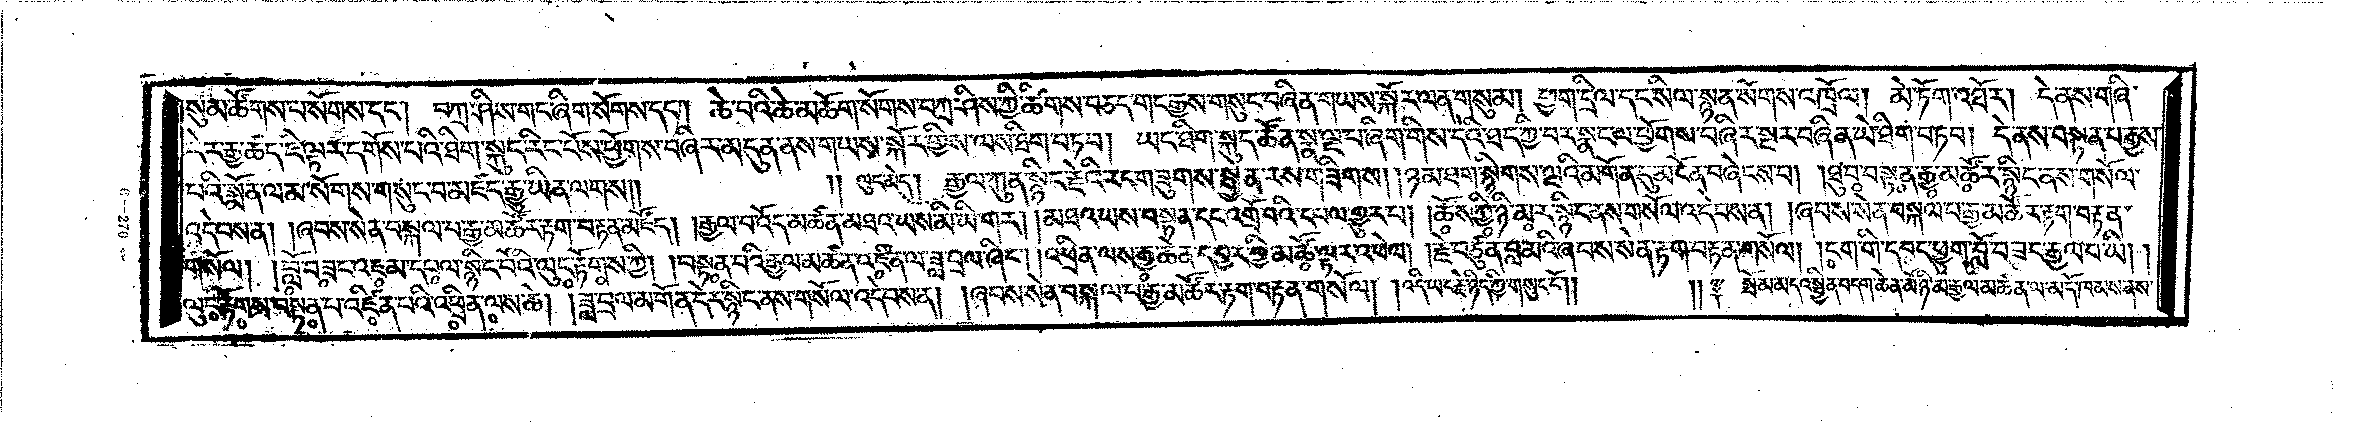སུམ་ཚོགས་པ་སོགས་དང་། བཀྲ་ཤིས་གང་ཞིག་སོགས་དང་། ཆེ་བའི་ཆེ་མཆོག་སོགས་བཀྲ་ཤིས་ཀྱི་ཚིགས་བཅད་གང་རྒྱས་གསུང་བཞིན་གཡས་སྐོར་ལན་གསུམ། ཕྱག་དྲིལ་དང་སྲིལ་སྙན་སོགས་འཁྲོལ། མེ་ཏོག་འཐོར། དེ་ནས་གཞི་
དེར་རྒྱ་ཚད་ཇི་ལྟར་དགོས་པའི་ཐིག་སྐུང་རིང་པོས་ཕྱོགས་བཞིར་མདུན་ནས་གཡས་སྐོར་གྱིས་ལས་ཐིག་བཏབ། ཡང་ཐིག་སྐུད་ཚོན་སྣ་སྔ་པ་ཞིག་གིས་དེའི་ཐད་ཀྱི་བར་སྣང་ལ་ཕྱོགས་བཞིར་སྔར་བཞིན་ཡེ་ཐིག་བཏབ། དེ་ནས་བསྟན་པ་རྒྱས་
པའི་སྨོན་ལམ་སོགས་གསུང་བ་མཛད་རྒྱུད་ཡིན་ལགས།། །། ལུང་མེད།  རྒྱལ་ཀུན་སྙིང་རྗེའི་གཟུགས་སྤྱན་རས་གཟིགས། །ཉམ་ཐག་སྙིགས་ལྔའི་མགོན་དུ་མངོན་བཞེངས་པ། །ཐུབ་བསྟན་རྒྱ་མཚོ་སྙིང་ནས་གསོལ་
འདེབས་ན། །ཞབས་སེན་བསྐལ་བ་རྒྱ་མཚོར་རྟག་བརྟན་མཛོད། །རྒྱལ་བ་འོད་མཚན་མཐའ་ཡས་མི་ཡི་གར། །མཐའ་ཡས་བསྟན་དང་འགྲོ་བའི་དཔལ་གྱུར་པ། །ཆོས་ཀྱི་ཉི་མར་སྙིང་ནས་གསོལ་འདེབས་ན། །ཞབས་སེན་བསྐལ་པ་རྒྱ་མཚོར་རྟག་བརྟེན་
གསོལ། །བློ་བཟང་འཇམ་དཔལ྾་དབྱངས་སྙིང་པོའི་ལུང་རྟོགས་ཀྱི། །བསྟན་པའི་རྒྱལ་མཚན་འཛིན་ལ་ཟླ་བྲལ་ཞིང་། །འཕྲིན་ལས་རྒྱ་ཆེན་དབྱར་གྱི་མཚོ྾་ལྟར་འཕེལ། །རྗེ་བཙུན་བླ་མའི་ཞབས་སེན་རྟག་བརྟན་གསོལ། །ངག་གི་དབང་ཕྱུག་བློ་བཟང་རྒྱལ་བ་ཡི། །
ལུང་རྟོགས་བསྟན་པ་འཛིན་པའི་འཕྲིན་ལས་ཆེ། །ཟླ་བྲལ་མགོན་དེར་སྙིང་ནས་གསོལ་འདེབས་ན། །ཞབས་སེན་བསྐལ་བ་རྒྱ་མཚོར་རྟག་བརྟན་གསོལ། །འདི་ཡང་རྗེ་ཉིད་ཀྱི་གསུང་ངོ།། །། ༈ སྤོམ་མདའ་སྦྱིན་བདག་ཆེན་མོ་ཉི་མ་རྒྱལ་མཚན་ལ་མདོ་ཁམས་ནས